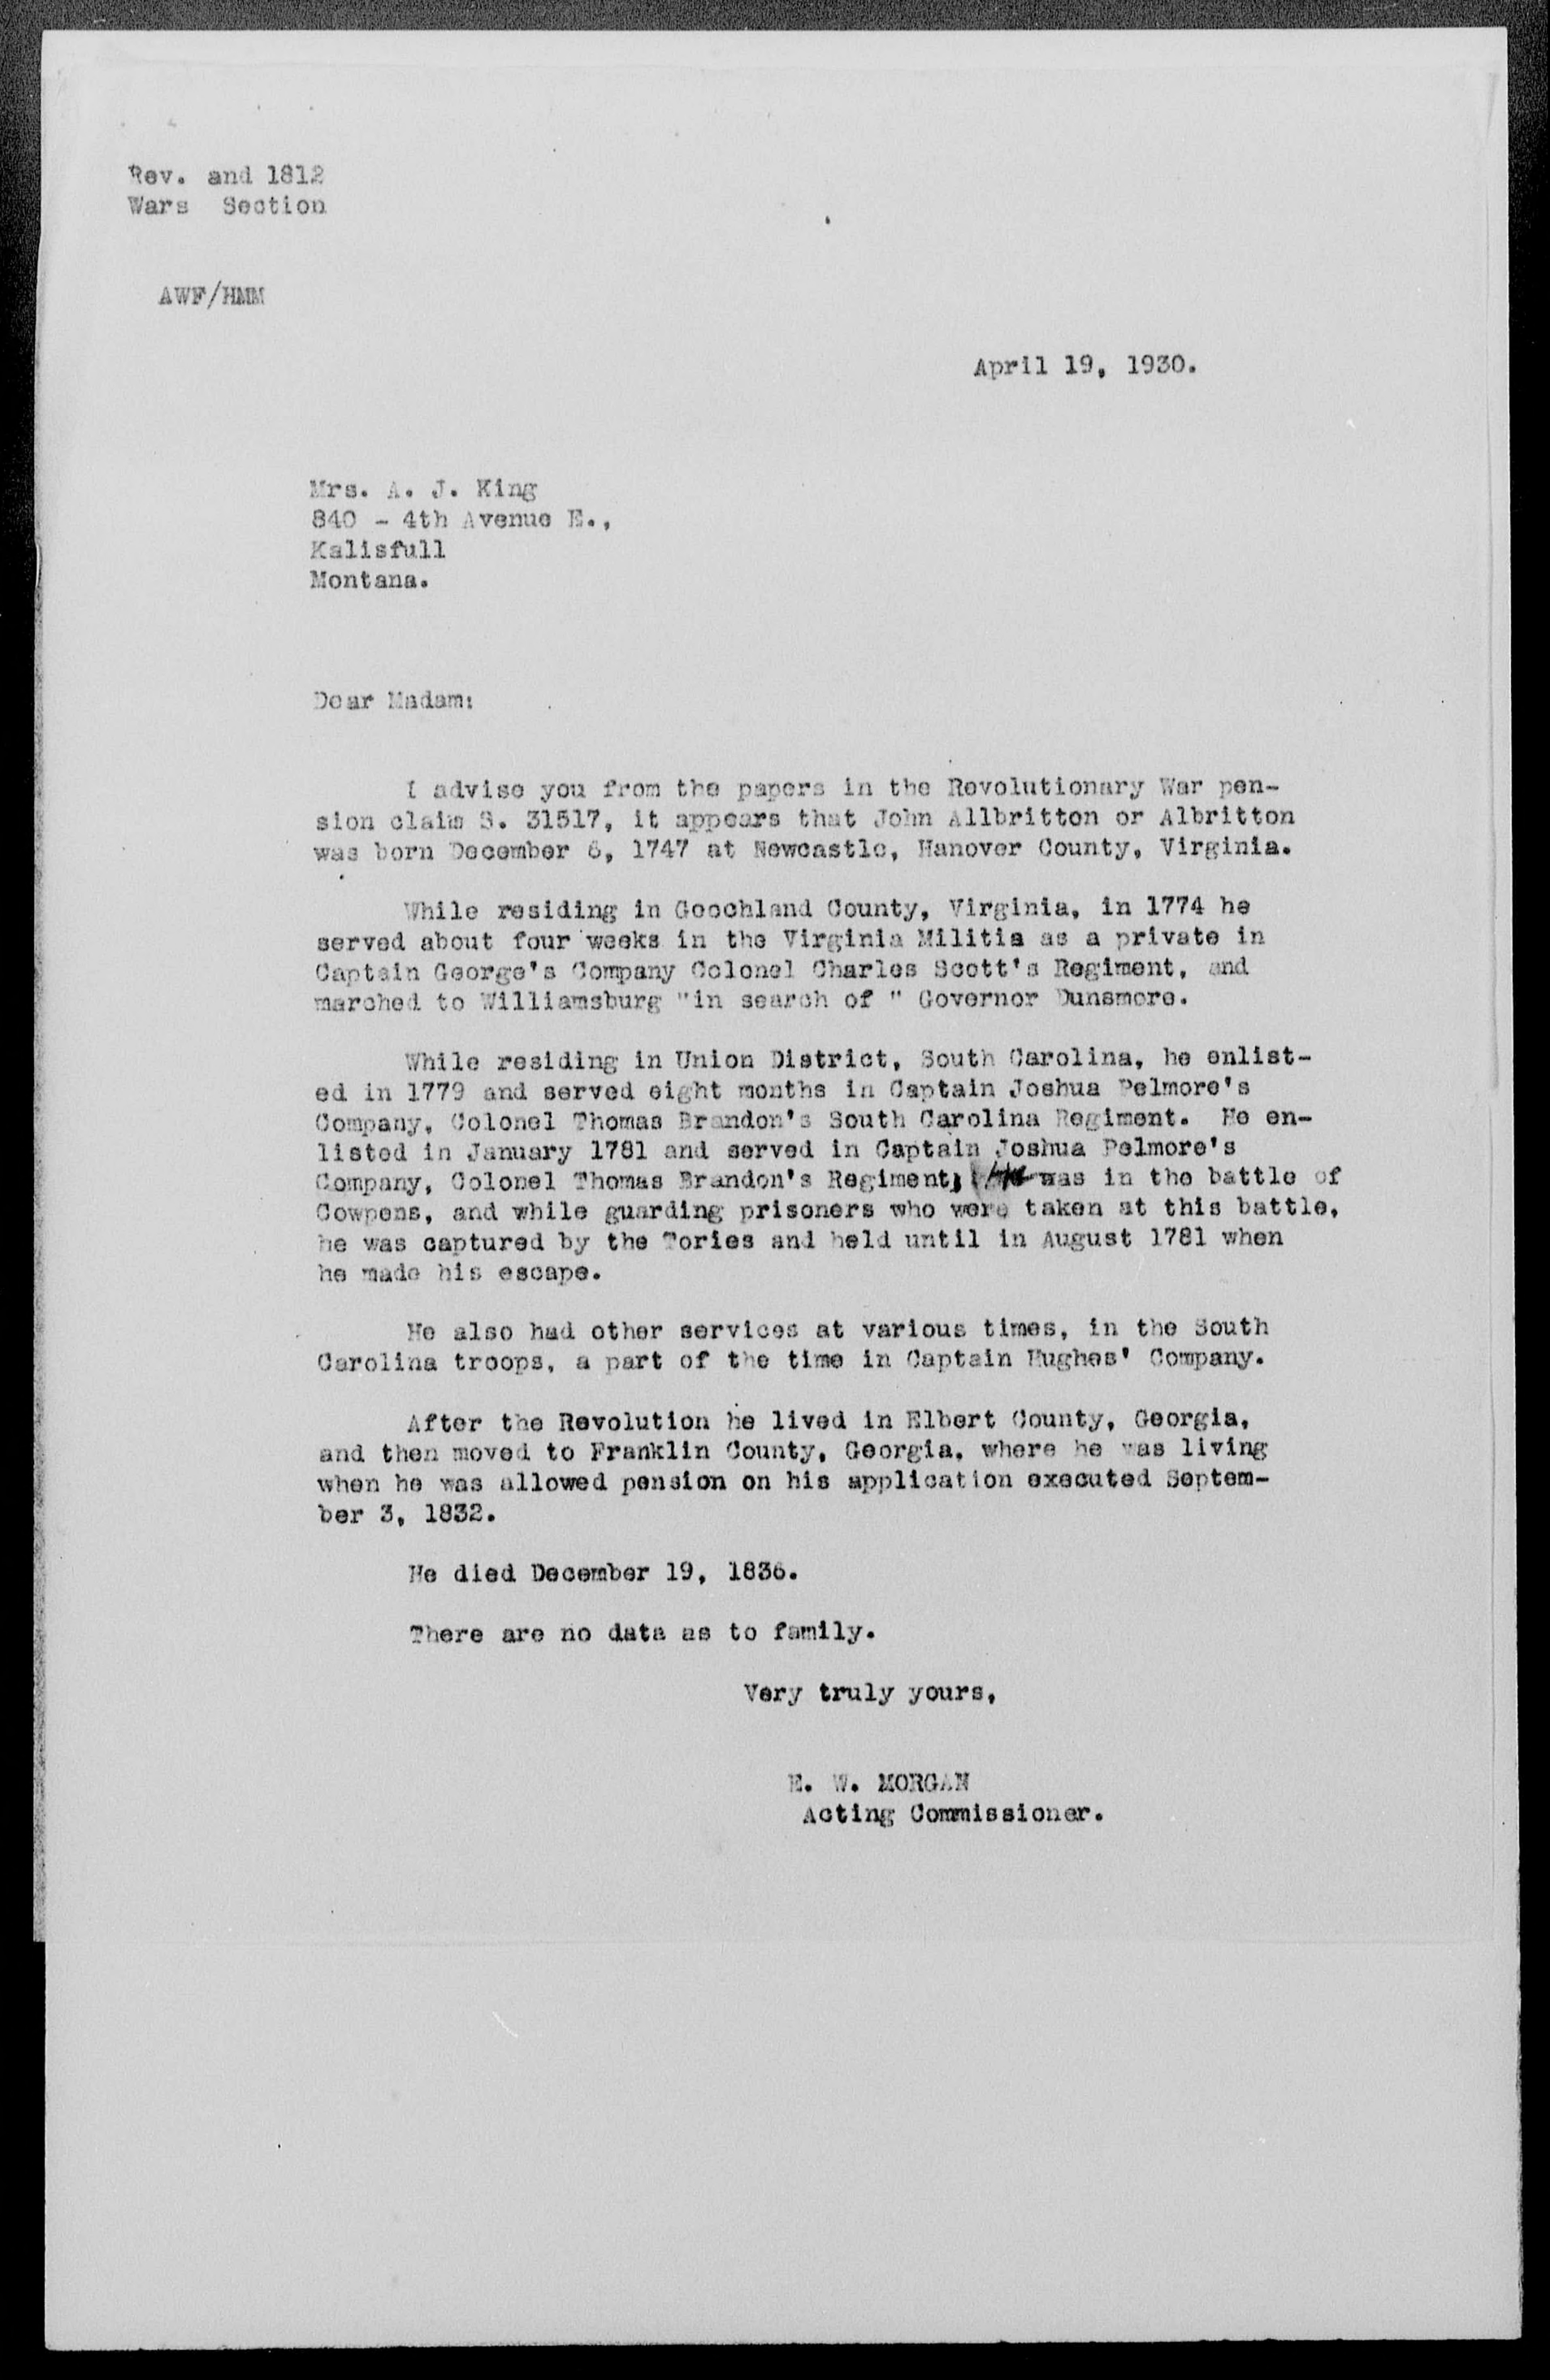Rev. and 1812
Wars Section
AWF/HMM
April 19, 1930
Mrs. A. J. King
840 - 4th Avenue E.
Kalisfull Montana
Dear Madam:
I advise you from the papers in the Revolutionary War pension claim 3. 31517, it appears that John Allbritton or Albritton was born December 6, 1747 at Newcastle, Hanover County, Virginia.
While residing in Goochland County, Virginia, in 1774 he served about four weeks in the Virginia Militia as a private in Captain George's Company Colonel Charles Scott's Regiment, and marched to Williamsburg "in search of" Governor Dunsmore.
While residing in Union District, South Carolina, he enlisted in 1779 and served eight months in Captain Joshua Pelmore's Company, Colonel Thomas Brandon's South Carolina Regiment. He enlisted in January 1781 and served in Captain Joshua Pelmore's Company, Colonel Thomas Brandon's Regiment. He was in the battle of Cowpens, and while guarding prisoners who were taken at this battle, he was captured by the Tories and held until in August 1781 when he made his escape.
He also had other services at various times, in the South Carolina troops, a part of the time in Captain Hughes' Company.
After the Revolution he lived in Elbert County, Georgia, and then moved to Franklin County, Georgia, where he was living when he was allowed pension on his application executed September 3, 1832.
He died December 19, 1836.
There are no data as to family.
Very truly yours,
E. W. MORGAN
Acting Commissioner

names: John Albritton, John Allbritton, A J King, E W Morgan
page: 22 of 22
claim: survivor's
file: S. 31,517, John Allbritton, S.C.